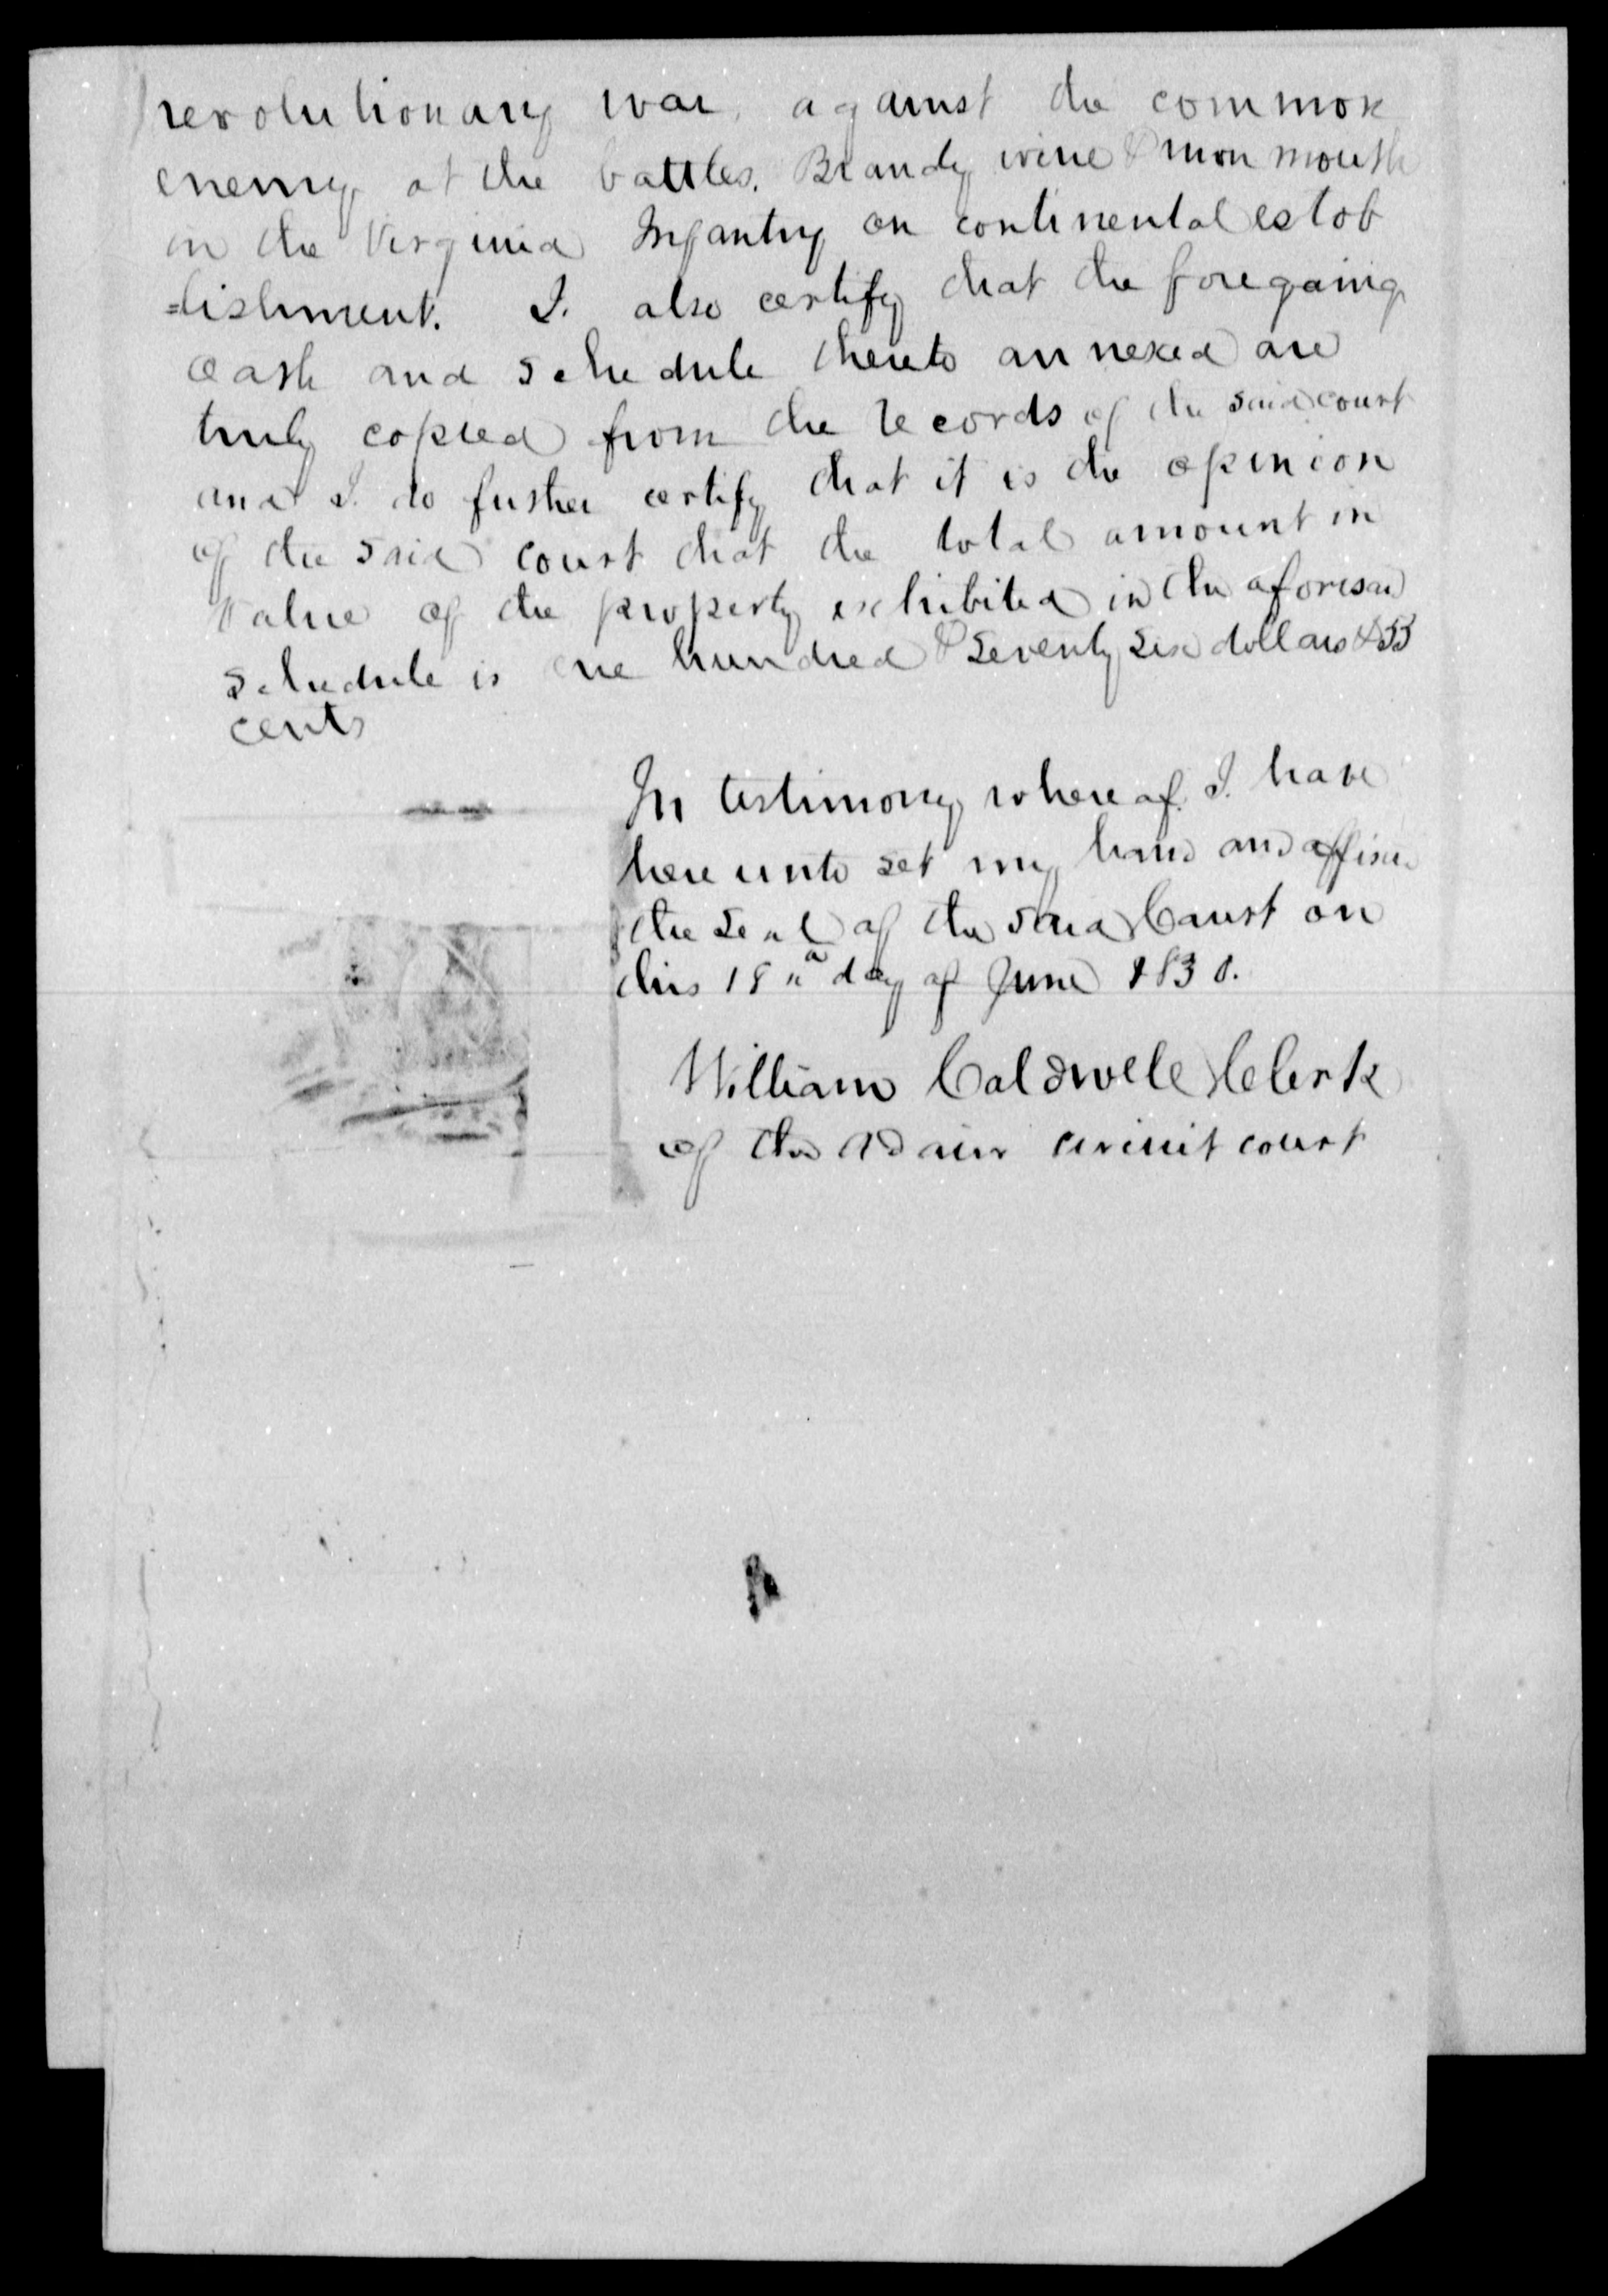revolutionary war, against the common enemy at the battles Brandy wine & Mon mouth in the Virginia Infantry on continental establishment. I also certify that the foregoing oath and schedule thereto annexed are truly copied from the records of the said court and I do further certify that it is the opinion of the said court that the total amount in value of the property exhibited in the aforesaid Schedule is one hundred & seventy seven dollars & 55 cents
In testimony whereof I have hereunto set my hand and affixed the Seal of the said Court on this 18th day of June 1830.
William Caldwell Clerk
of the Adair Circuit Court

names: William Caldwell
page: 8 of 57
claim: widow's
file: W. 9,622, for Aaron Redman, Virginia